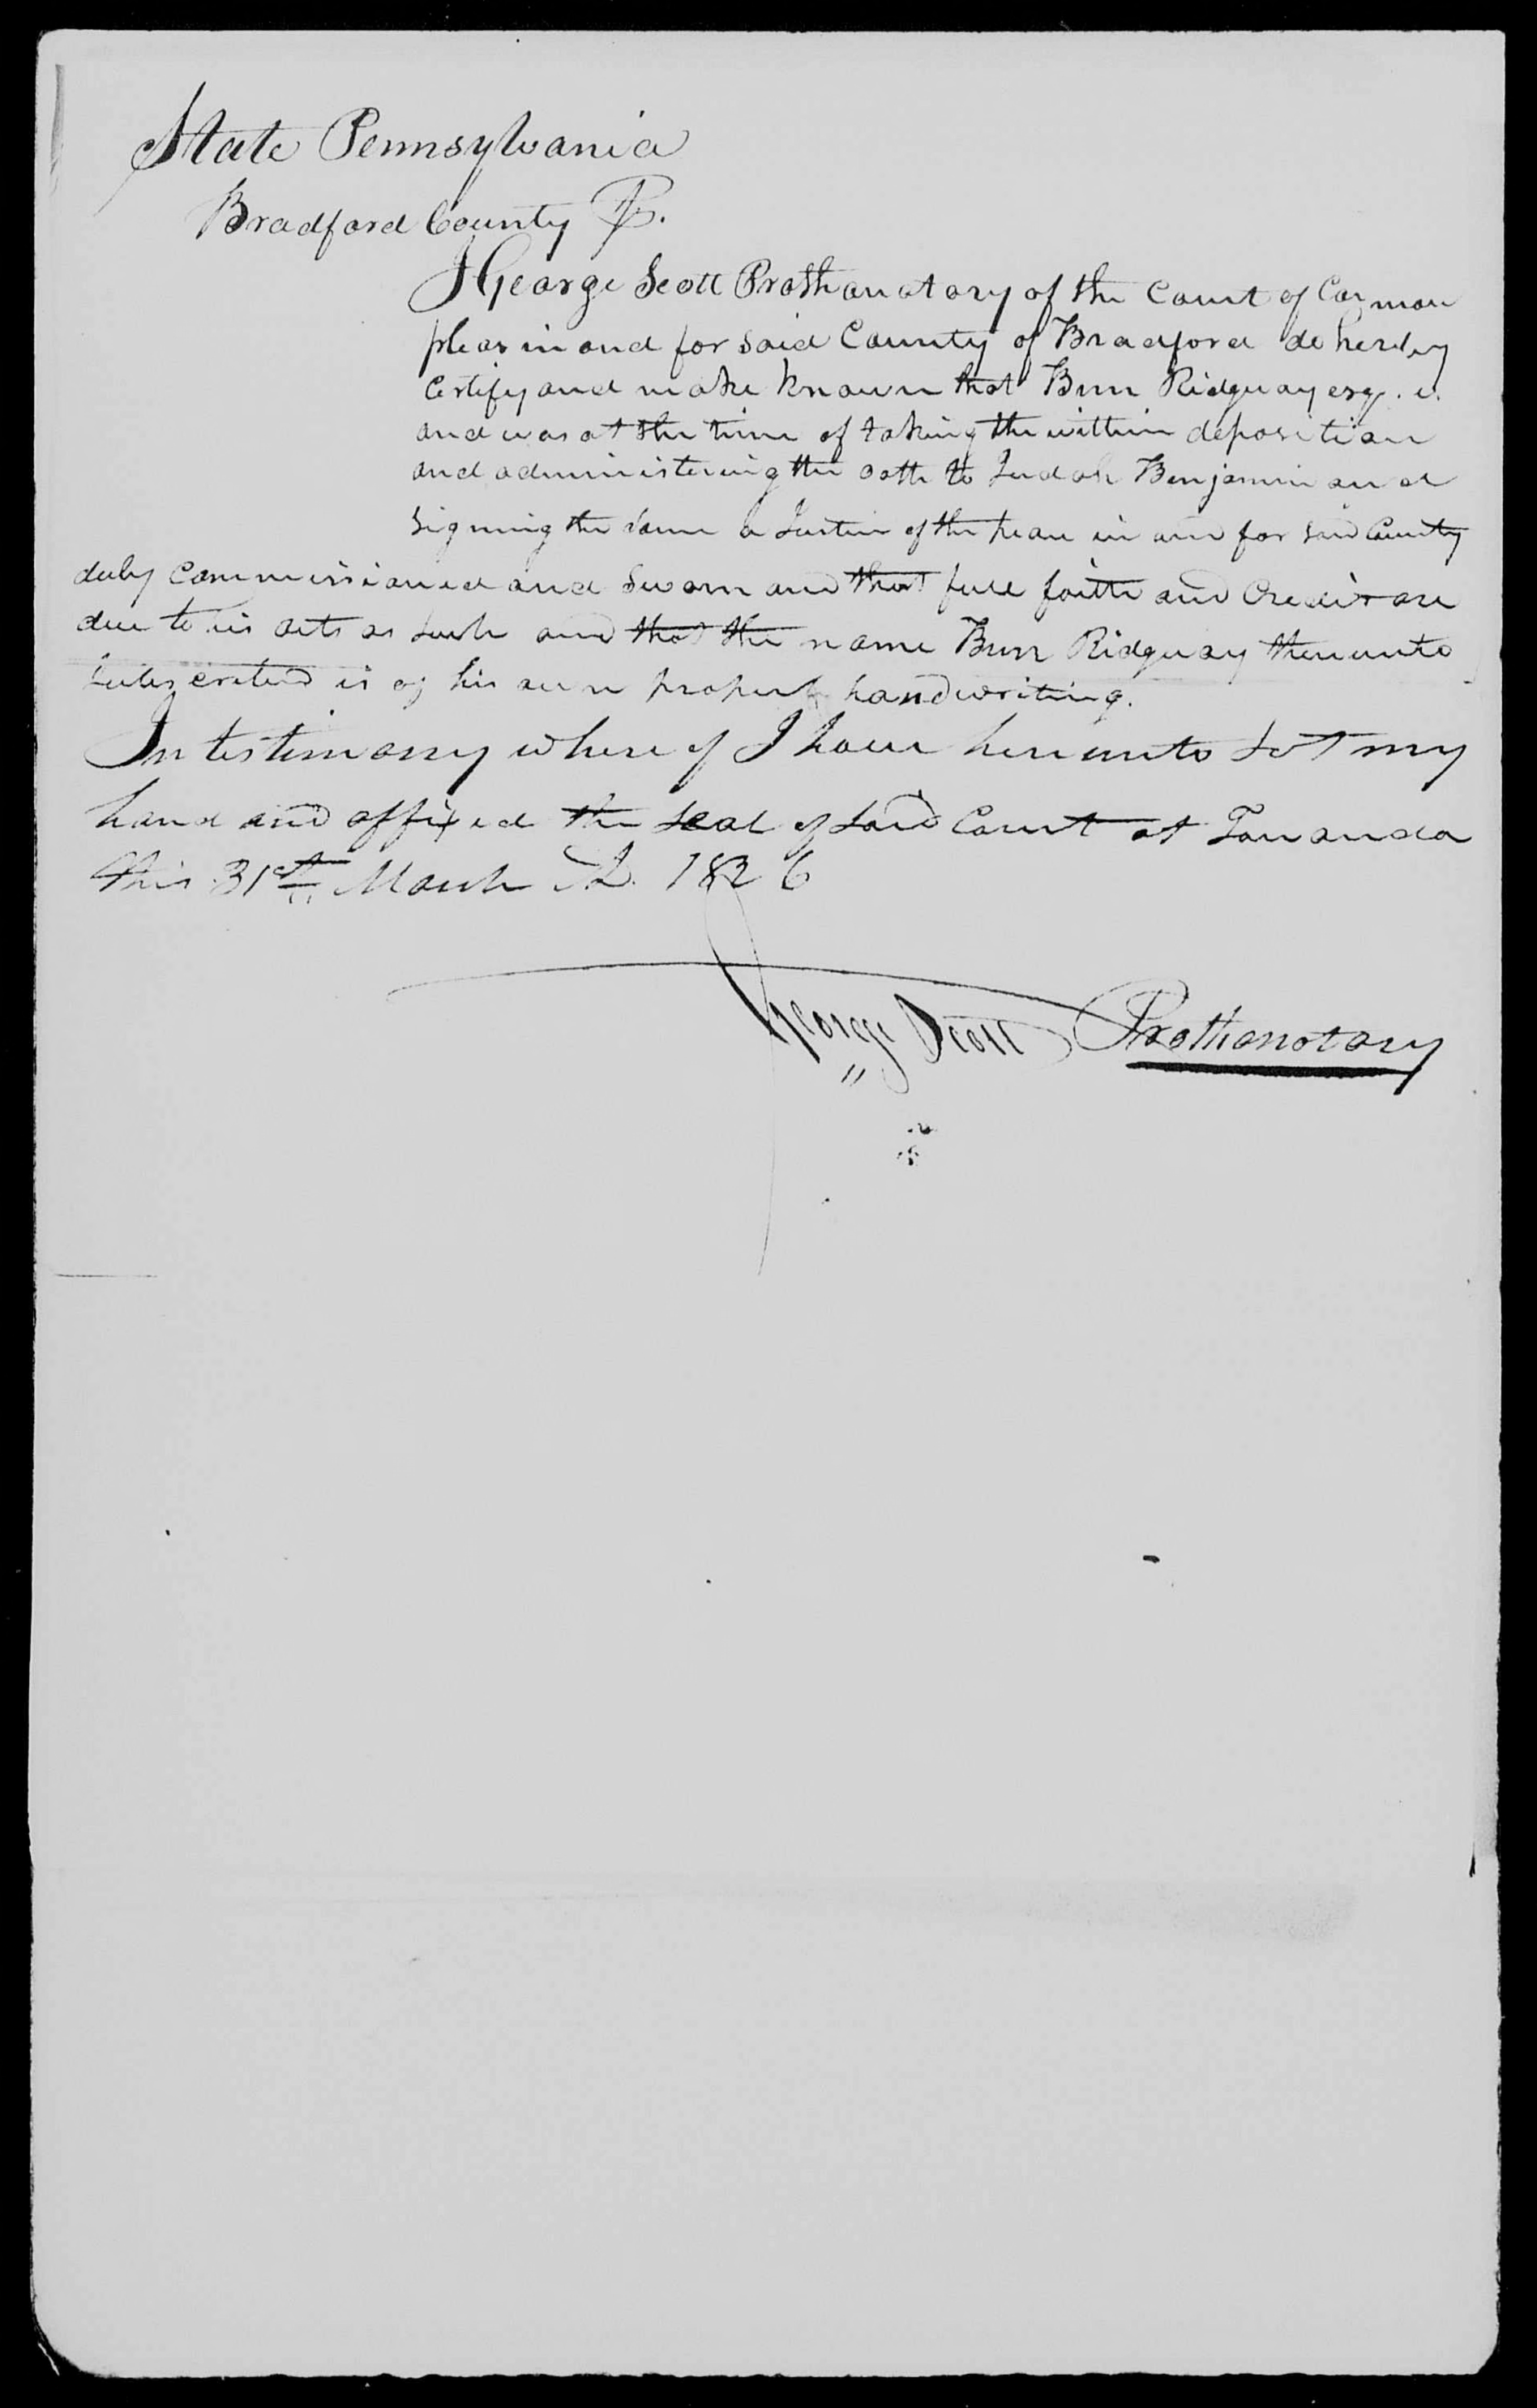State Pennsylvania
Bradford County ss.
I George Scott Prothonotary of the Court of Common pleas in and for said County of Bradford do hereby certify and make known that Burr Ridgway esquire is and was at the time of taking the within deposition and administering the oath to Judah Benjamin and signing the same a Justice of the peace in and for said County duly commissioned and sworn and that full faith and credit are due to his acts as such and that the name Burr Ridgway thereunto Subscribed is of his own proper handwriting.
In testimony whereof I have hereunto set my hand and affixed the seal of said Court at Towanda this 31st March A.D. 1826
[signed] George Scott  Prothonotary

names: Burr Ridgway, Burr Ridgway, Judah Benjamin, George Scott, George Scott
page: 14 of 34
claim: survivor's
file: S. 39981, Judah Benjamin, Continental (N. H. And N. Y.)